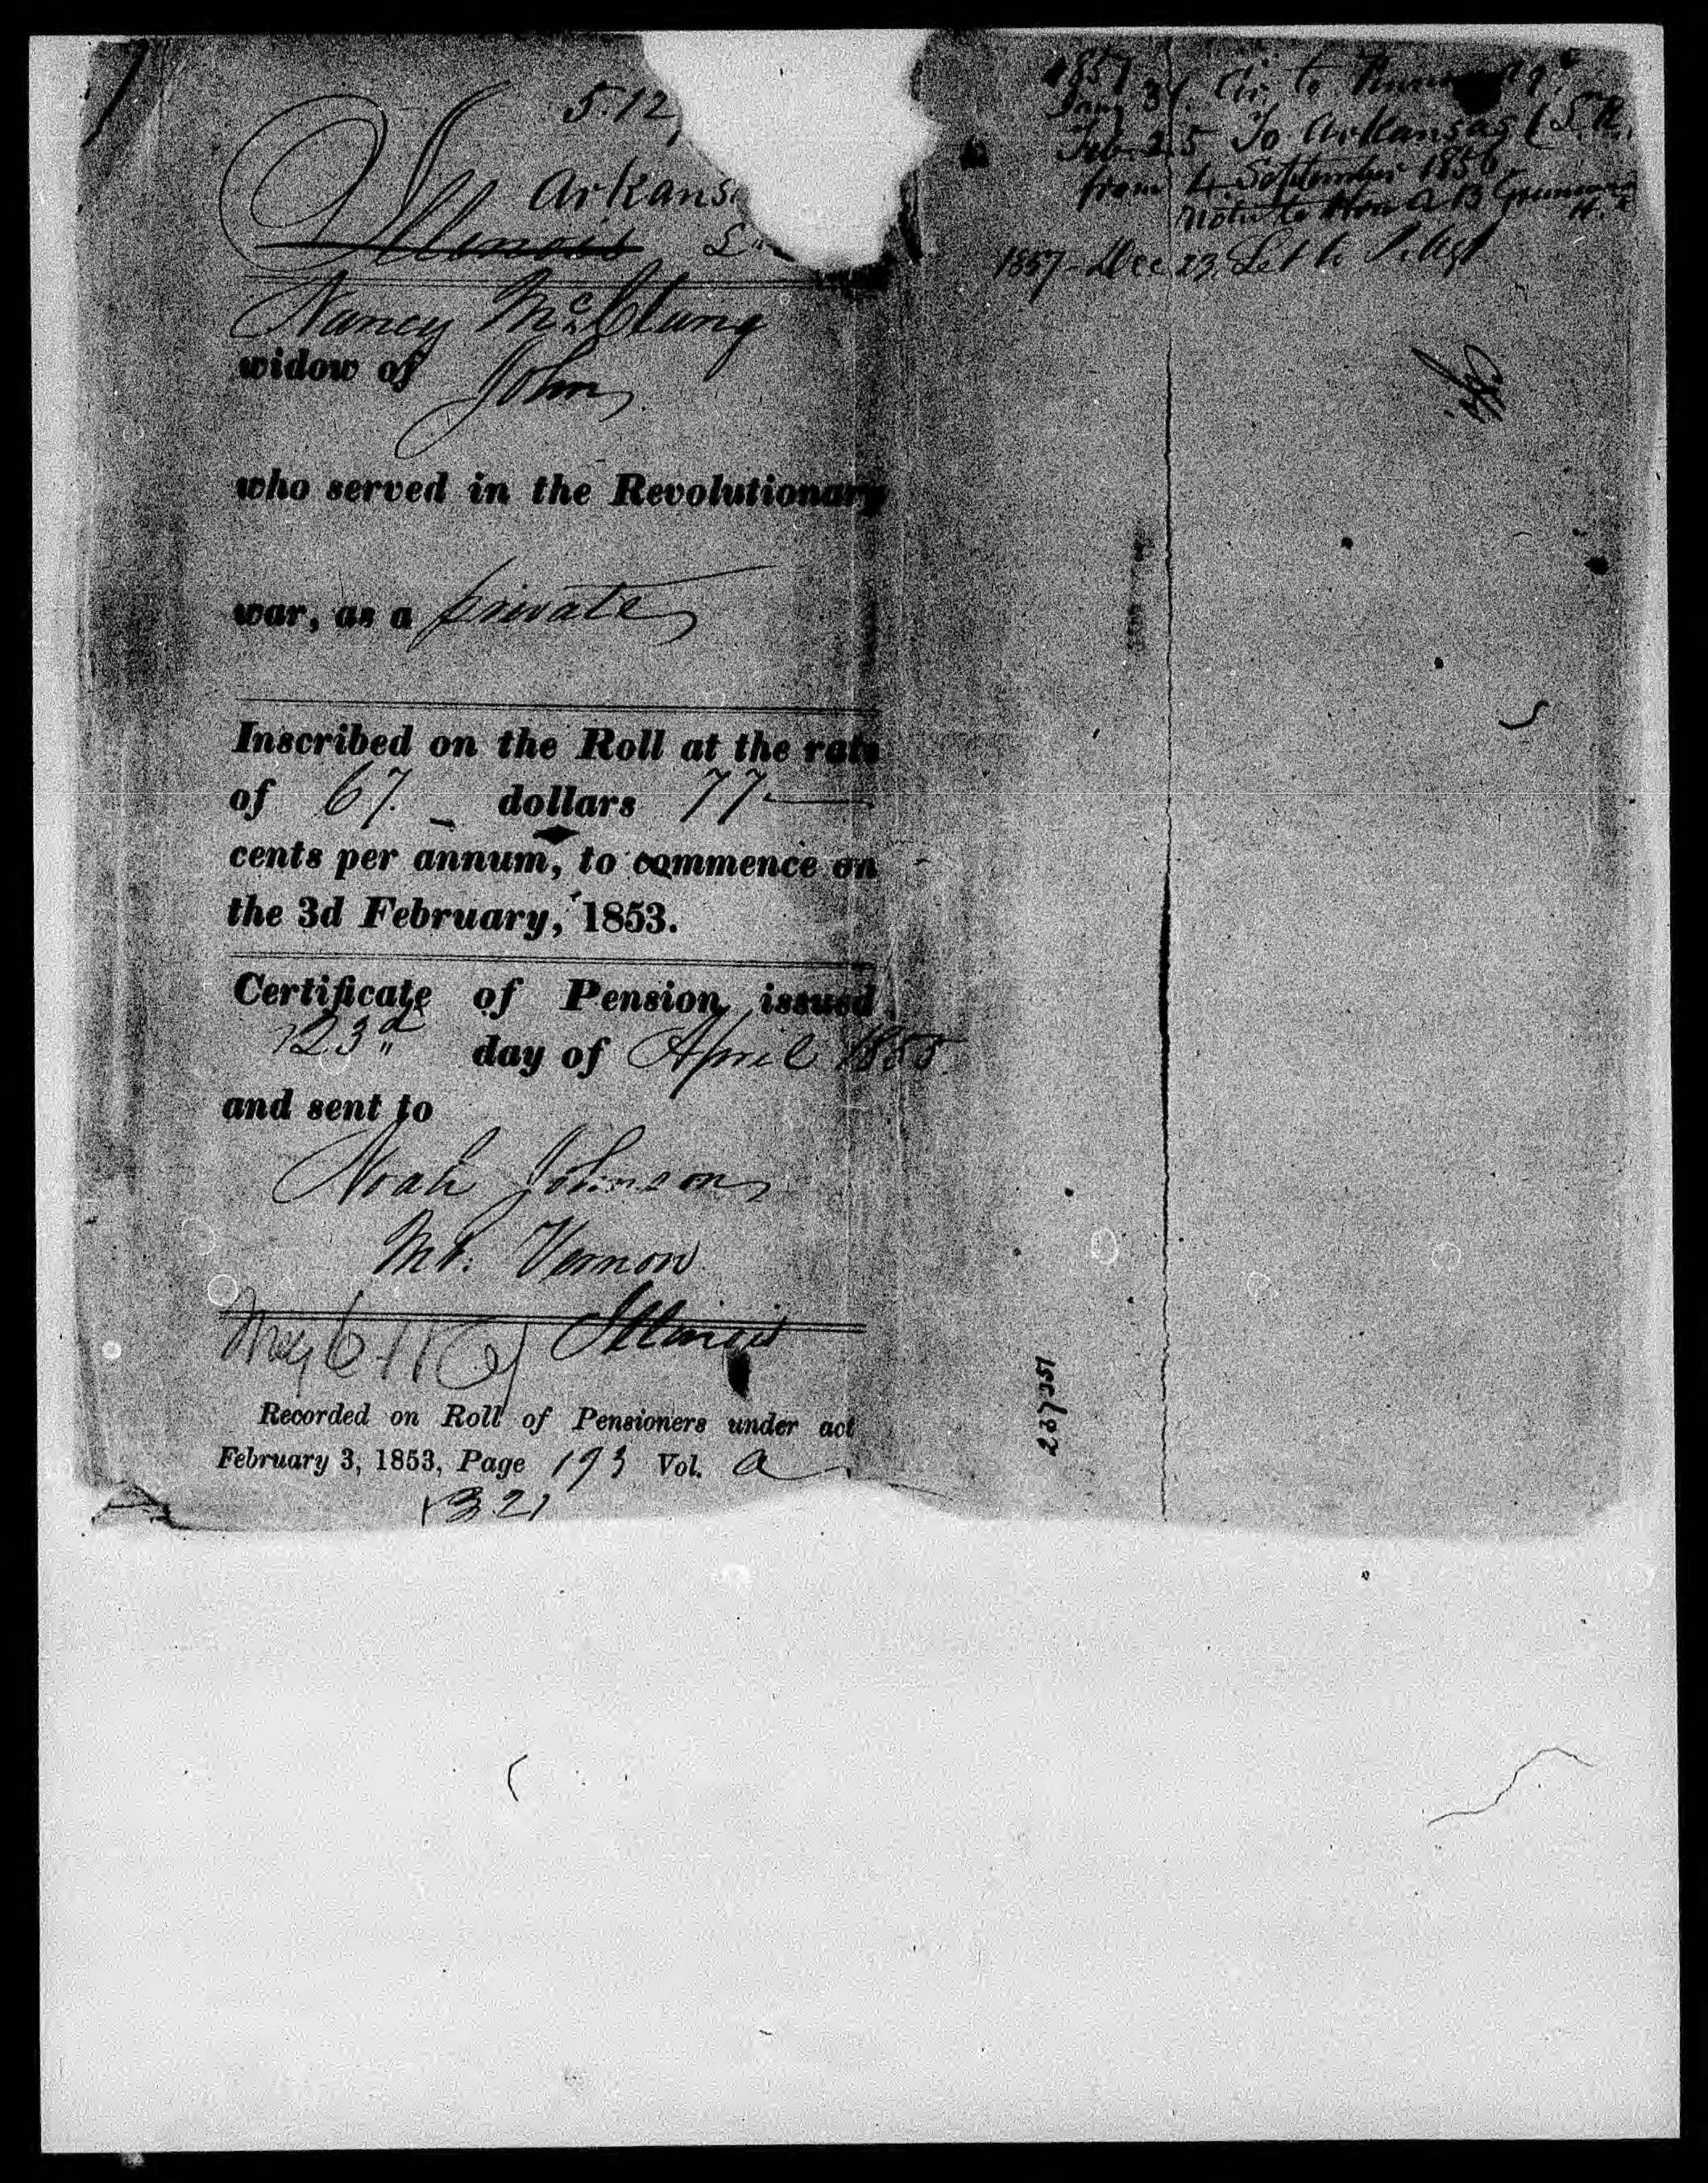[page torn]

5.12
Arkansas [illegible]
=====================
Nancy McClung
widow of
John,
who served in the Revolution
war, as a Private
====================
Inscribed on the Roll at the rate
of 67 dollars 77
cents per annum, to commence on
the 3d  February, 1853.
========================
Certificate of Pension issued
23th day of April  1855
and sent to
Noah Johnson
Mt Vernon
Illinois 
========================
May 6 18[illegible]
Recorded on Roll of Pensioners under act
February 3, 1853, Page 173 Vol.A

1321

237351

1857 
Jany 31 [illegible] to Pension [illegible]
Feb 25 to Arkansas ( S. R.
from 4 September 1856
Notice to Hon A B [illegible]H. R.
1857 - Dec 23. Let to P. Agt
Copyd.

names: John Mc Clung; Noah Johnson; Nancy Mc Clung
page: 50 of 115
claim: widow's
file: W. 1446, for John Mc Clung, South Carolina